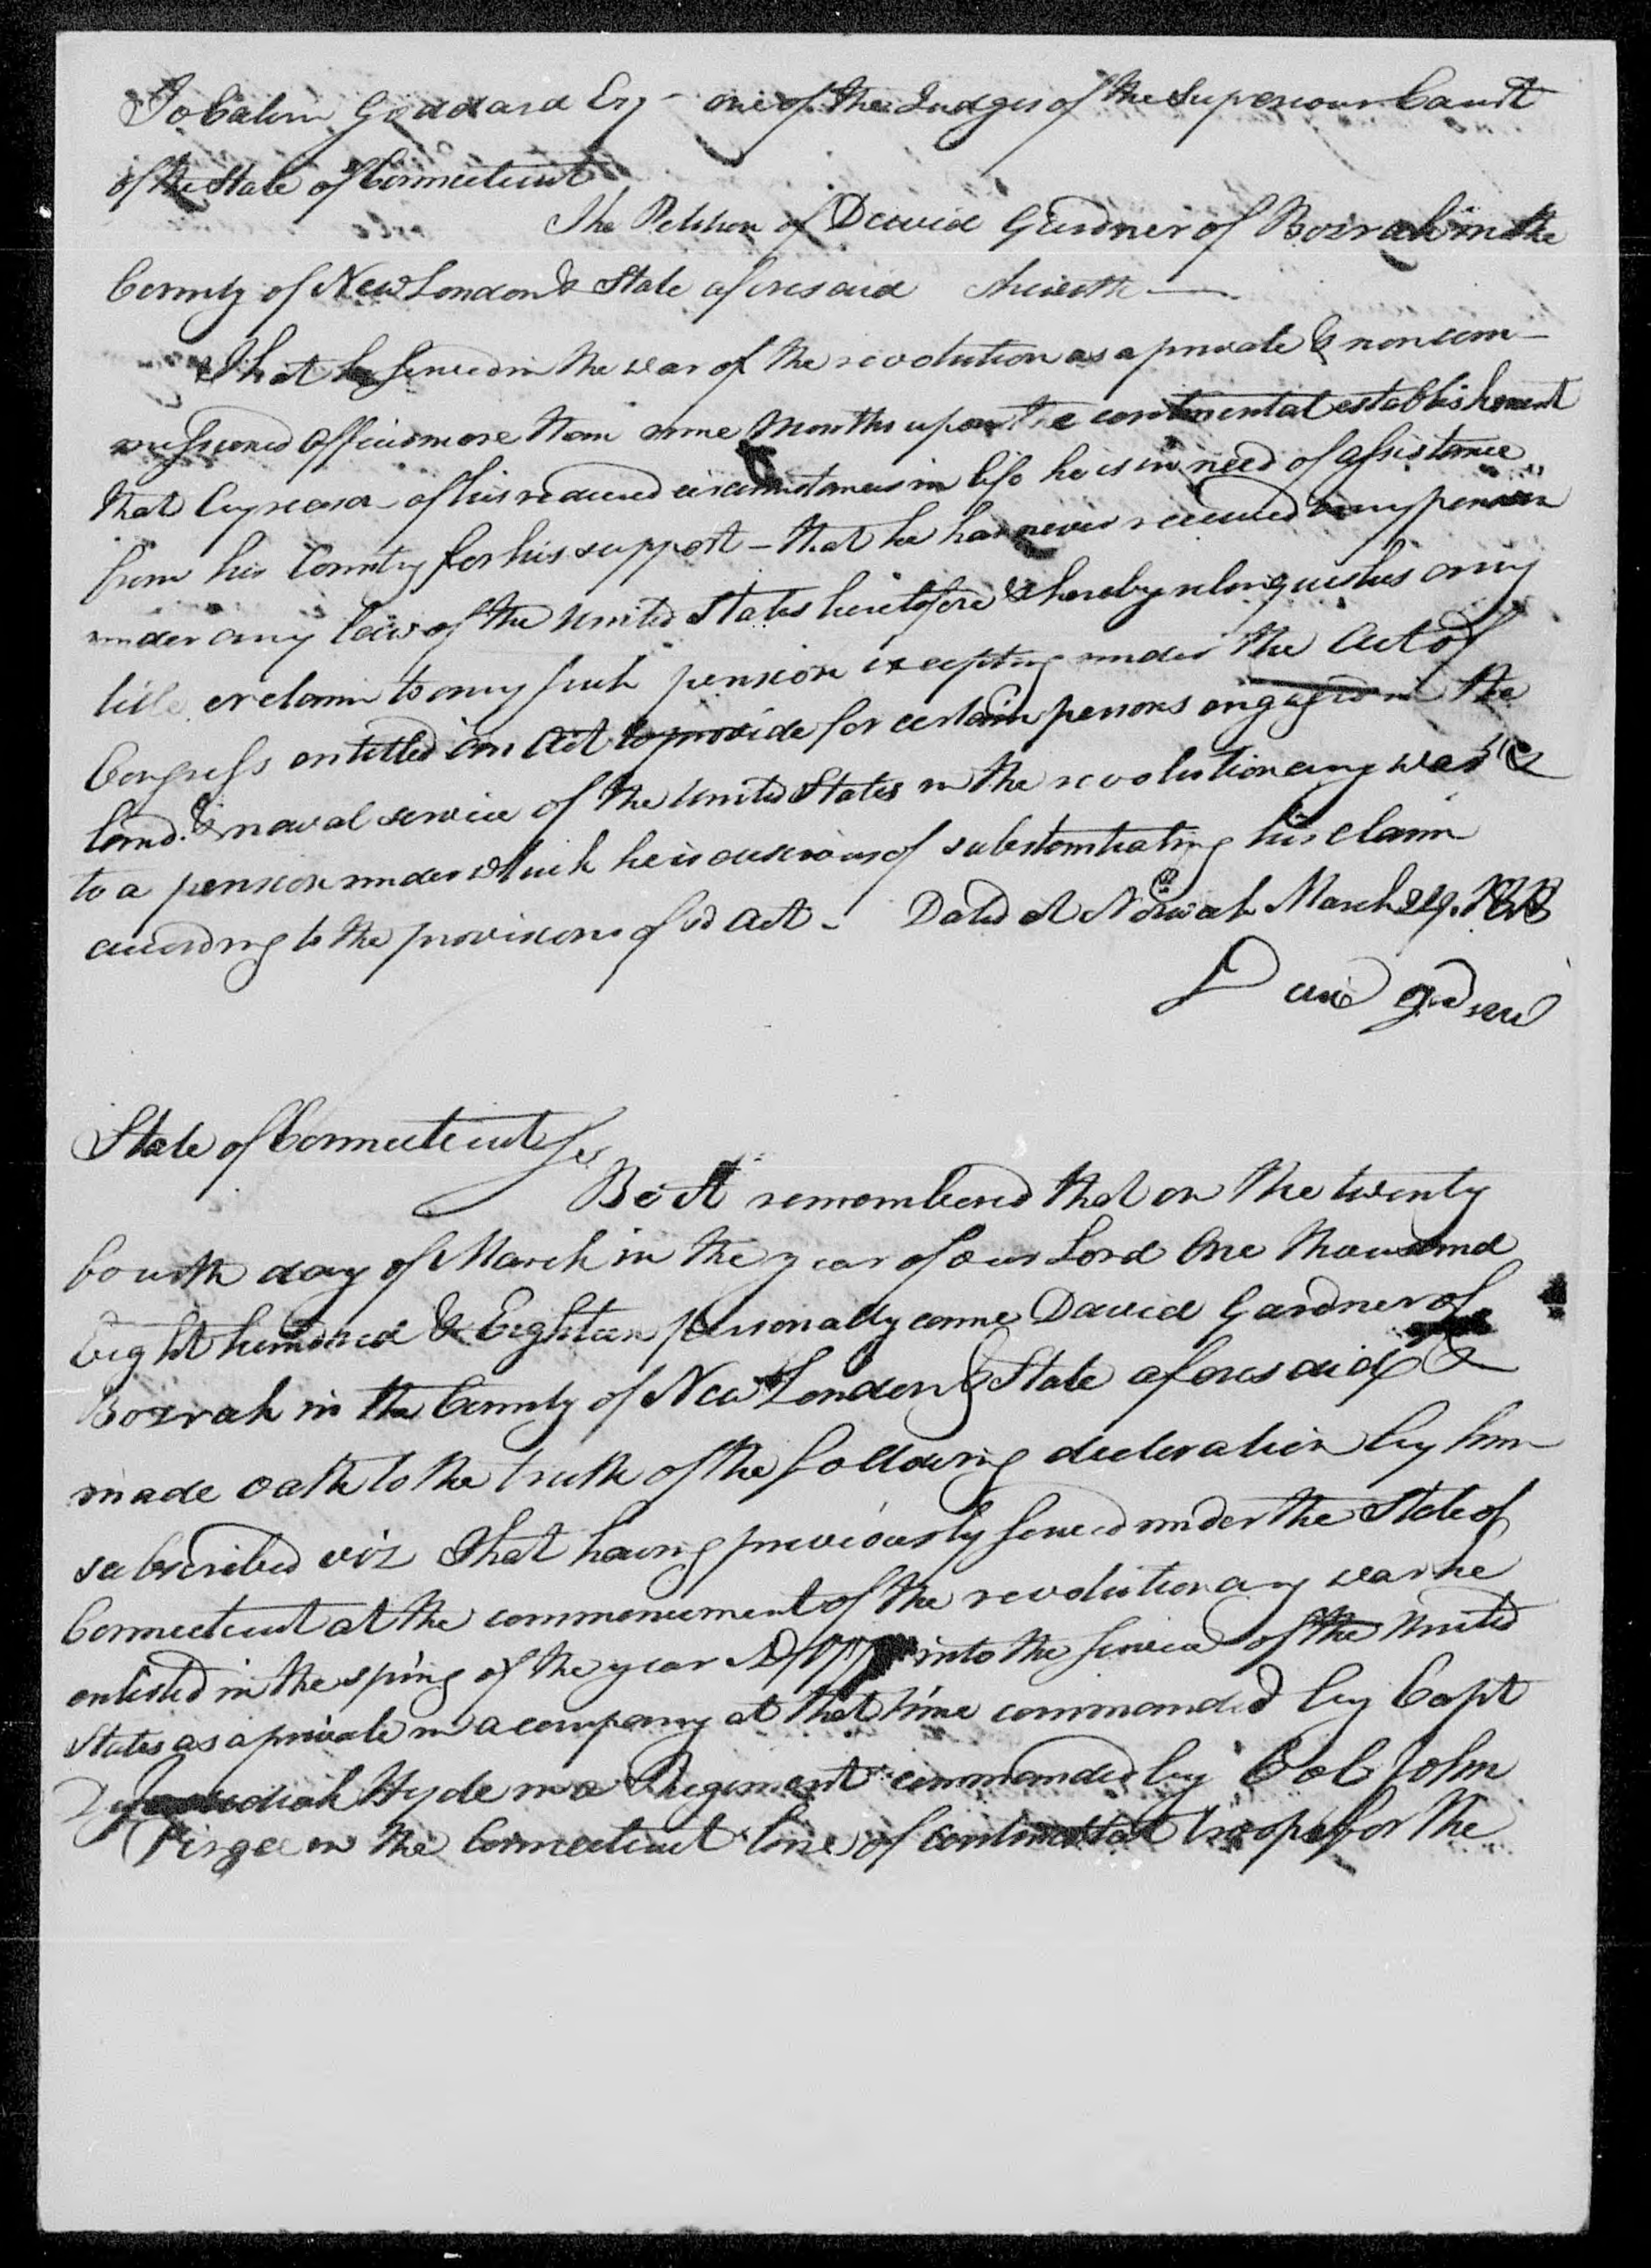To Calvin Goddard Esquire - one of the Judges of the Supreme Court of the State of Connecticut

The Petiion of David Gardner of Bozrah in the County of New London and State aforesaid Herewith -
That he served in the war of the revolution as a private and noncommissioned officer more than nine months upon the continental establishment. That by reason of his reduced circumstances in life he is in need of assistance from his Country for his support - that he has never received any pension under any law of the the United States heretofore and hereby relinquishes any title or claim to any such pension [illegible] under the Act of Congress entitled “an Act to provide for certain persons engaged in the land and naval service of the United States in the revolutionary war” and to a pension under which he is anxious of substantiating his claim according to the provisions of said Act- Dated at Norwich March 24, 1818
David Gardner

State of Connecticut Ss
Be it remembered that on the twenty fourth day of March in the year of our Lord One thousand Eight hundred and Eighteen personally came David Gardner of Norwich in the County of New London and State aforesaid, and made oath to the truth of the following declaration by him subscribed viz [namely] That having previously joined under the State of Connecticut at the commencement of the revolutionary war he enlisted in the spring of the year 1777 into the service of the United States as a private in a company at that time commanded by Captain Jedidiah Hyde in a Regiment commanded by Colonel John Pergee in the Connecticut line of troops for the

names: David Gardner, David Gardner, Calvin Goddard, John Pergee, David Gardner, Jedediah Hyde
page: 6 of 66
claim: widow's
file: W 1850, David Gardner, Conn.